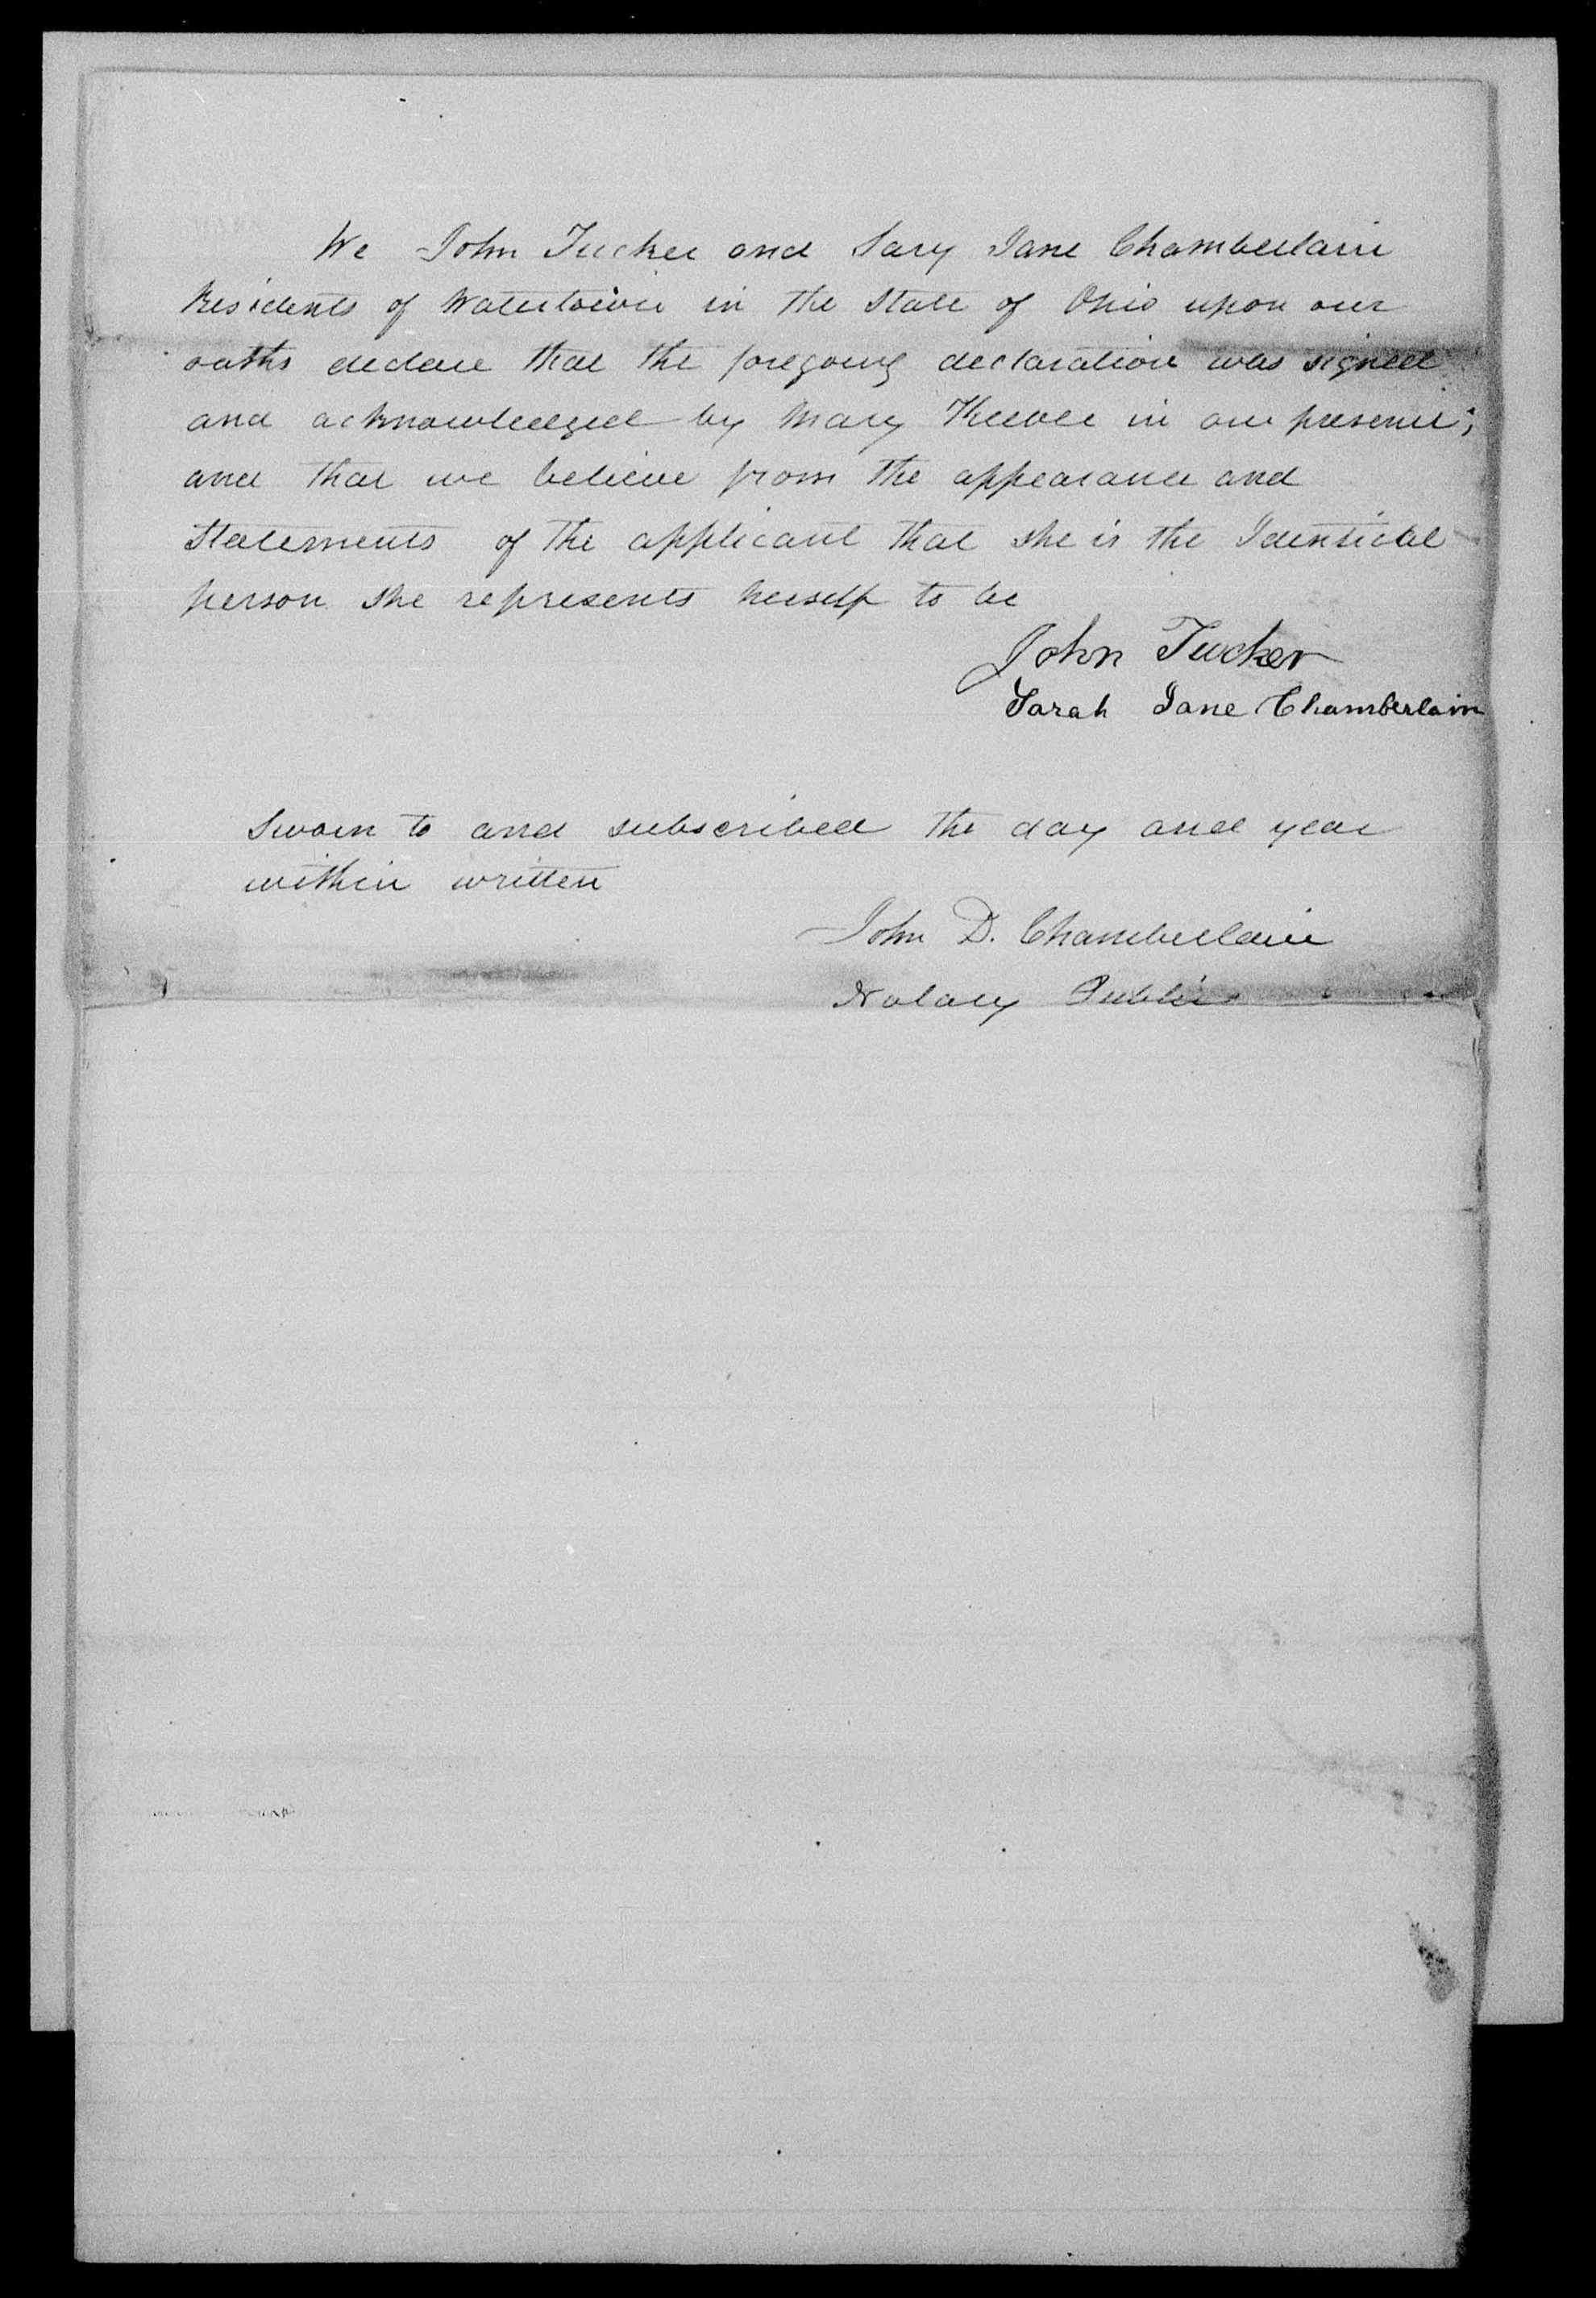We John Tucker and Mary Jane Chamberlain residents of Watertown in the State of Ohio upon our 
oaths declare that the foregoing declaration was signed 
and acknowledged by Mary Keever in our presence; 
and that we believe from the appearance and 
statements of the applicant that she is the Identical 
person she represents herself to be 
John Tucker 
Sarah Jane Chamberlain 
Sworn to and subscribed the day and year within written 
John D. Chamberlin 
Notary Public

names: John D Chamberlain; Sary Jane Chamberlain; Mary Keever; John Tucker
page: 4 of 33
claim: rejected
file: R. 5814, for John Keever, Maryland